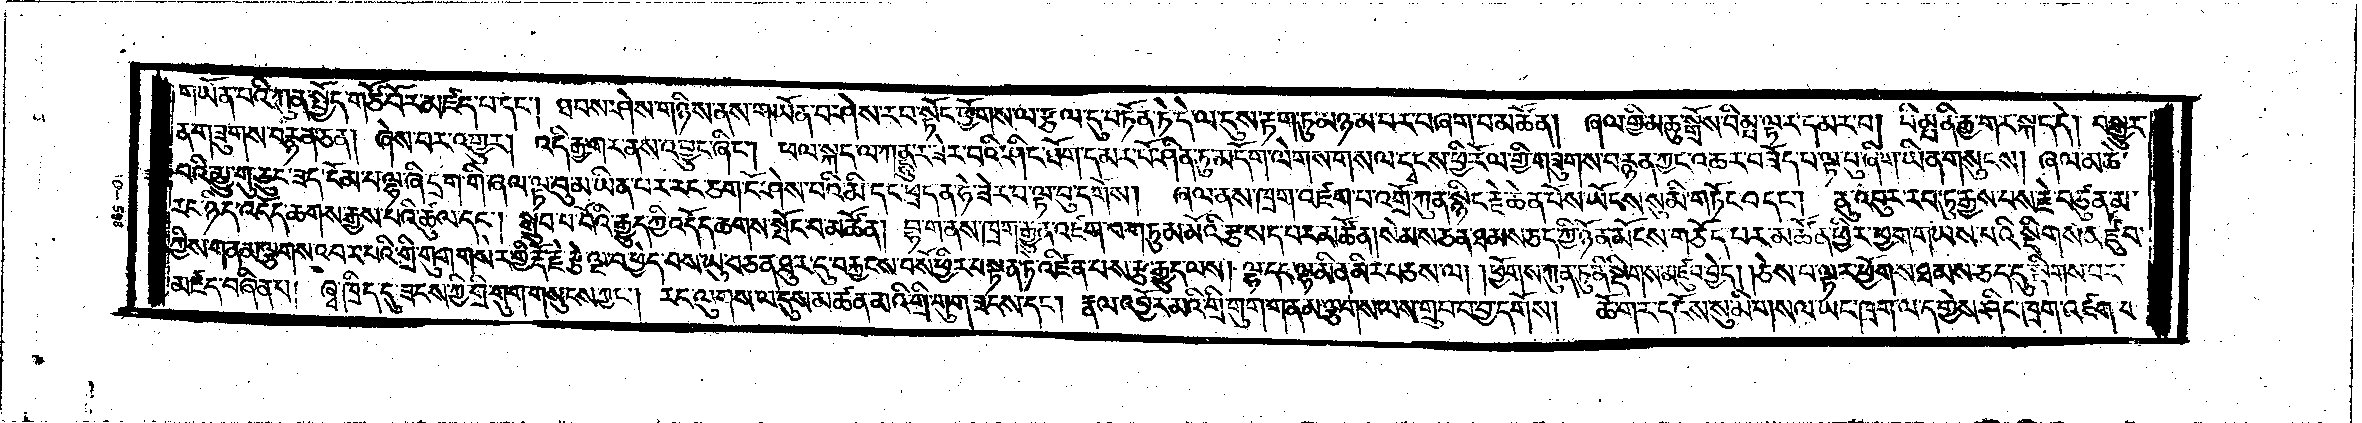གཡོན་པའི་ཀུན་སྤྱོད་?་གཙོ་བོར་མཛད་པ་དང་། ཐབས་ཤེས་གཉིས་ནས་གཡོན་པ་ཤེས་རབ་སྟོང་ཕྱོགས་ལ་རྩལ་དུ་བཏོན་ཏེ་དེ་ལ་དུས་རྟག་ཏུ་མཉམ་པར་བཞག་པ་མཚོན། ཞལ་གྱི་མཆུ་སྒྲོས་བིམྤ་ལྟར་དམར་པ། བིམྤ་ནི་རྒྱ་གར་སྐད་དེ། བསྒྱུར་
ན་གཟུགས་བརྙན་ཅན། ཞེས་པར་འགྱུར། འདི་རྒྱ་གར་ནས་འབྱུང་ཞིང་། །ཕལ་སྐད་ལ་ཀནྡྷུ་ར་ཟེར་བའི་ཤིང་ཐོག་དམར་པོ་ཤིན་ཏུ་མདོག་ལེགས་གསལ་དྭངས་ཕྱི་རོལ་གྱི་གཟུགས་བརྙན་ཀྱང་འཆར་བཟོད་པ་ལྟ་བུ་ཞིག་ཡིན་གསུངས། ཞལ་མཆེ་
བའི་མྱུ་གུ་ཅུང་ཟད་ངོམ་པ་ལྷ་ཞི་དྲག་གི་ཞལ་ལྟ་བུ་མ་ཡིན་པར་རང་ཅག་ངོ་ཤེས་པའི་མི་དང་ཕྲད་ན་ཧེ་ཟེར་བ་ལྟ་བུ་དགོས། ཞལ་ནས་ཁྲག་འཛག་པ་འགྲོ་ཀུན་སྙིང་རྗེ་ཆེན་པོས་ཡོངས་སུ་མི་གཏོང་པ་དང་། །ནུ་འབུར་རབ་ཏུ་རྒྱས་པས་རྗེ་བཙུན་མ་
རང་ཉིད་འདོད་ཆགས་རྒྱས་བའི་ཚུལ་དང་། སྒྲུབ་པ་པོའི་རྒྱུད་ཀྱི་འདོད་ཆགས་སྤོང་བ་མཚོན། བྷ་ག་ནས་ཁྲག་རྒྱུན་འཛག་པ་གཏུམ་མོའི་རྩ་སད་བར་མཚོན། སེམས་ཅན་ཐམས་ཅད་ཀྱི་ཉོན་མོངས་གཅོད་པར་མཚོན་ཕྱིར་ཕྱག་གཡས་པའི་སྡིགས་མཛུབ་
གྱིས་གནམ་ལྕགས་འབར་བའི་གྲི་གུག་གསེར་གྱི་རྡོ་རྗེ་རྩེ་ལྔ་པ་ཕྱེད་པས་ཡུ་བ་ཅན་ཐུར་དུ་བརྐྱངས་པ་སོ་ཕྱིར་བསྟན་ཏེ་འཛིན་པས་རྩ་རྒྱུད་ལས། ལྷ་དང་ལྷ་མིན་མིར་བཅས་ལ། །ཕྱོགས་ཀུན་ཏུ་ནི་སྡིགས་མཛུབ་བྱེད། །ཅེས་པ་ལྟར་ཕྱོགས་ཐམས་ཅད་དུ་སྡིགས་པར་
མཛད་བཞིན་པ། ཞ་ཁྲིད་དུ་ཟངས་ཀྱི་གྲི་གུག་གསུངས་ཀྱང་། རང་ལུགས་ལ་དུས་མཚན་མའི་གྲི་གུག་ཟངས་དང་། རྣལ་འབྱོར་མའི་གྲི་གུག་གནམ་ལྕགས་ལས་གྲུབ་པ་བྱ་དགོས། ཆོ་གར་དངོས་སུ་མི་གསལ་ཡང་ཁྲག་ལ་དགྱེས་ཤིང་ཁྲག་འཛག་པ་